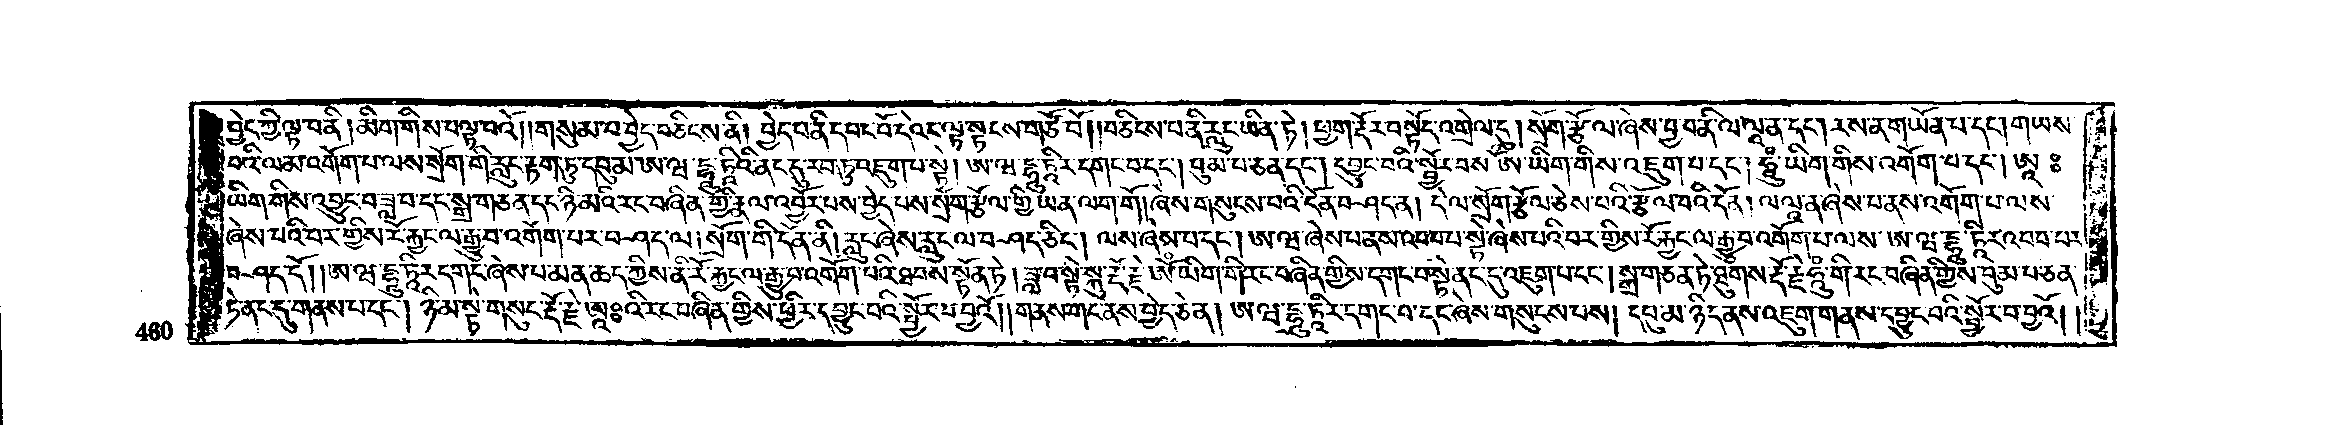བྱེད་ཀྱི་ལྟ་བ་ནི། མིག་གིས་བལྟ་བའོ། །གསུམ་པ་བྱེད་བཅིངས་ནི། བྱེད་པ་ནི་དབང་པོ་དེའང་ལྟ་སྟངས་གཙོ་བོ། །བཅིངས་པ་ནི་རླུང་ཡིན་ཏེ། ཕྱག་རྡོར་བསྟོད་འགྲེལ་དུ། སྲོག་རྩོལ་ཞེས་བྱ་བ་ནི་ལ་ལཱ་ན་དང་། རས་ན་གཡོན་པ་དང་། གཡས་
བའི་ལམ་འགོག་པ་ལས་སྲོག་གི་རླུང་རྟག་ཏུ་དབུ་མ་ཨ་ཝ་དྷཱུ་ཏཱིའི་ནང་དུ་རབ་ཏུ་འཇུག་པ་སྟེ། ཨ་ཝ་དྷཱུ་ཏཱིར་དགང་བ་དང་། བུམ་པ་ཅན་དང་། དབྱུང་བའི་སྦྱོར་བས་ཨོཾ་ཡིག་གིས་འཇུག་པ་དང་། ཧཱུཾ་ཡིག་གིས་འགོག་པ་དང་། ཨཱཿ
ཡིག་གིས་འབྱུང་བ་ཟླ་བ་དང་སྒྲ་གཅན་དང་ཉི་མའི་རང་བཞིན་གྱི་རྣལ་འབྱོར་པས་བྱེད་པས་སྲོག་རྩོལ་གྱི་ཡན་ལག་གོ །ཞེས་གསུངས་པའི་དོན་བཤད་ན། དེ་ལ་སྲོག་རྩོལ་ཅེས་པའི་རྩོལ་བའི་དོན། ལ་ལཱ་ན་ཞེས་པ་ནས་འགོག་པ་ལས་
ཞེས་པའི་བར་གྱིས་རོ་རྐྱང་ལ་རྒྱུ་བ་འགོག་པར་བཤད་ལ། སྲོག་གི་དོན་ནི། རླུང་ཞེས་རླུང་ལ་བཤད་ཅིང་། ལས་ཞེས་པ་དང་། ཨ་ཝ་ཞེས་པ་ནས་འབབ་པ་སྟེ་ཞེས་པའི་བར་གྱིས་རོ་རྐྱང་ལ་རྒྱུ་བ་འགོག་པ་ལས་ཨ་ཝ་དྷཱུ་ཏཱིར་འབབ་པར་
བཤད་དོ། །ཨ་ཝ་དྷཱུ་ཏཱིར་དགང་ཞེས་པ་མན་ཆད་ཀྱིས་ནི་རོ་རྐྱང་ལ་རྒྱུ་བ་འགོག་པའི་ཐབས་སྟོན་ཏེ། ཟླ་བ་སྟེ་སྐུ་རྡོ་རྗེ་ཨོཾ་ཡིག་གི་རང་བཞིན་གྱིས་དགང་བ་སྟེ་ནང་དུ་འཇུག་པ་དང་། སྒྲ་གཅན་ཏེ་ཐུགས་རྡོ་རྗེ་ཧཱུཾ་གི་རང་བཞིན་གྱིས་བུམ་པ་ཅན་
ཏེ་ནང་དུ་གནས་པ་དང་། ཉི་མ་སྟེ་གསུང་རྡོ་རྗེ་ཨཱཿའི་རང་བཞིན་གྱིས་ཕྱིར་དབྱུང་བའི་སྦྱོར་པ་བྱའོ། །གནས་གང་ནས་བྱེད་ཅེ་ན། ཨ་ཝ་དྷཱུ་ཏཱིར་དགང་བ་དང་ཞེས་གསུངས་པས། དབུ་མ་ཉིད་ནས་འཇུག་གནས་དབྱུང་བའི་སྦྱོར་བ་བྱའོ། །